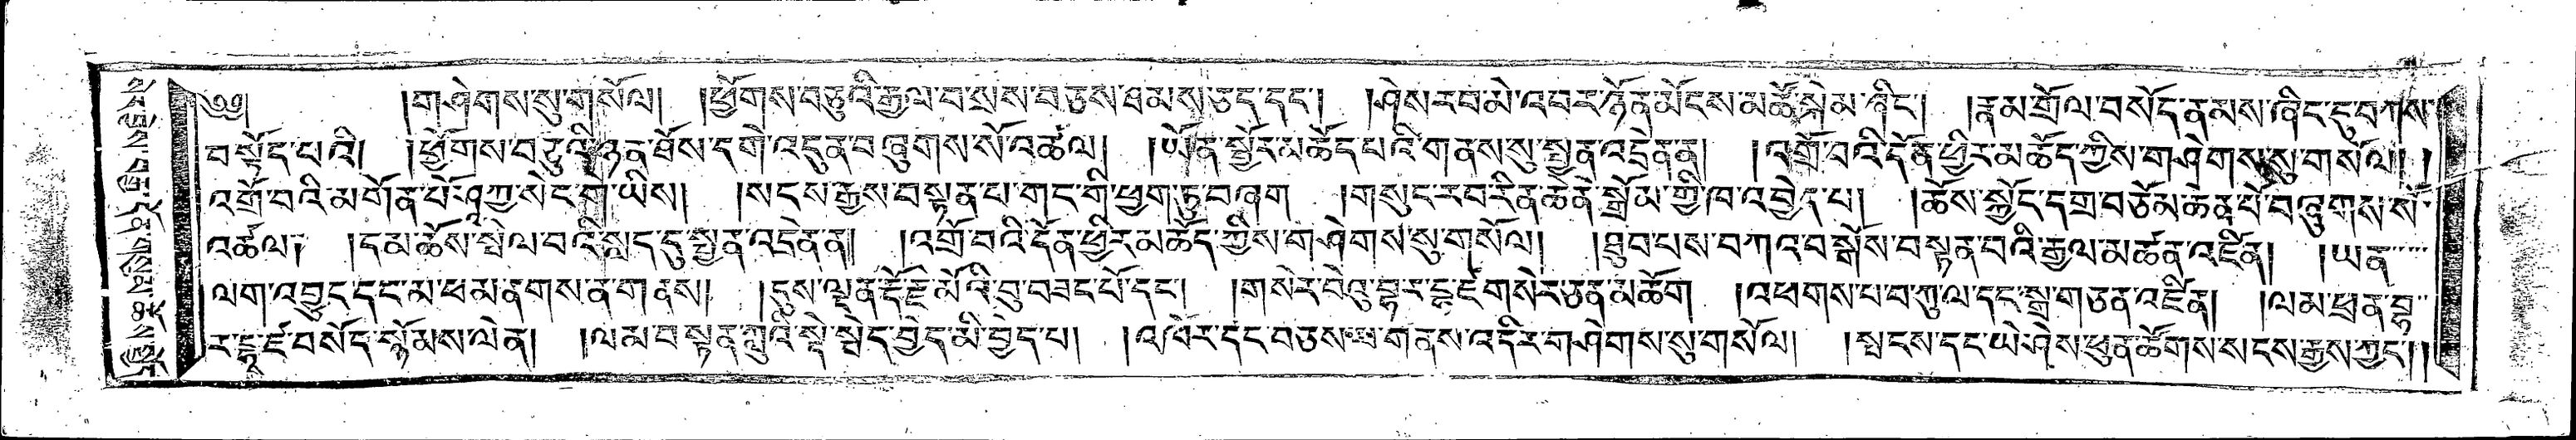༄༅། །གཤེགས་སུ་གསོལ། །ཕྱོགས་བཅུའི་རྒྱལ་བ་སྲས་བཅས་ཐམས་ཅད་དང་། །ཤེས་རབ་མེ་འབར་ཉོན་མོངས་མཚོ་སྐེམ་ཞིང་། །རྣམ་གྲོལ་བསོད་ནམས་ཞིང་དུ་བཀས་
བསྟོད་པའི། །ཕྱོགས་བཅུའི་ཉན་ཐོས་དགེ་འདུན་བཞུགས་སོ་འཚལ། །ཡོན་སྦྱོར་མཆོད་པའི་གནས་སུ་སྤྱན་འདྲེན་ན། །འགྲོ་བའི་དོན་ཕྱིར་མཆོད་ཀྱིས་གཤེགས་སུ་གསོལ། །
འགྲོ་བའི་མགོན་པོ་ཤཱཀྱ་སེང་གེ་ཡིས། །སངས་རྒྱས་བསྟན་པ་གང་གི་ཕྱག་ཏུ་བཞག །གསུང་རབ་རིན་ཆེན་སྒྲོམ་གྱི་ཁ་འབྱེད་པ། །ཆོས་སྐྱོང་དགྲ་བཅོམ་ཆེན་པོ་བཞུགས་སོ་
འཚལ༑ །དམ་ཆོས་སྤེལ་བའི་སླད་དུ་སྤྱན་འདྲེན་ན། །འགྲོ་བའི་དོན་ཕྱིར་མཆོད་ཀྱིས་གཤེགས་སུ་གསོལ། །ཐུབ་པས་བཀའ་བསྒོས་བསྟན་པའི་རྒྱལ་མཚན་འཛིན། །ཡན་
ལག་འབྱུང་དང་མ་ཕམ་ནགས་ན་གནས། །དུས་ལྡན་རྡོ་རྗེ་མོའི་བུ་བཟང་པོ་དང་། །གསེར་བེའུ་བྷ་ར་དྷ་ཛ་གསེར་ཅན་མཆོག །འཕགས་པ་བ་ཀུ་ལ་དང་སྒྲ་གཅན་འཛིན། །ལམ་ཕྲན་བྷ་
ར་དྷཱ་ཛ་བསོད་སྙོམས་ལེན། །ལམ་བསྟན་ཀླུའི་སྡེ་སྦེད་བྱེད་མི་བྱེད་པ། །འཁོར་དང་བཅས་པ་གནས་འདིར་གཤེགས་སུ་གསོལ། །སྤངས་དང་ཡེ་ཤེས་ཕུན་ཚོགས་སངས་རྒྱས་ཀྱང་། །